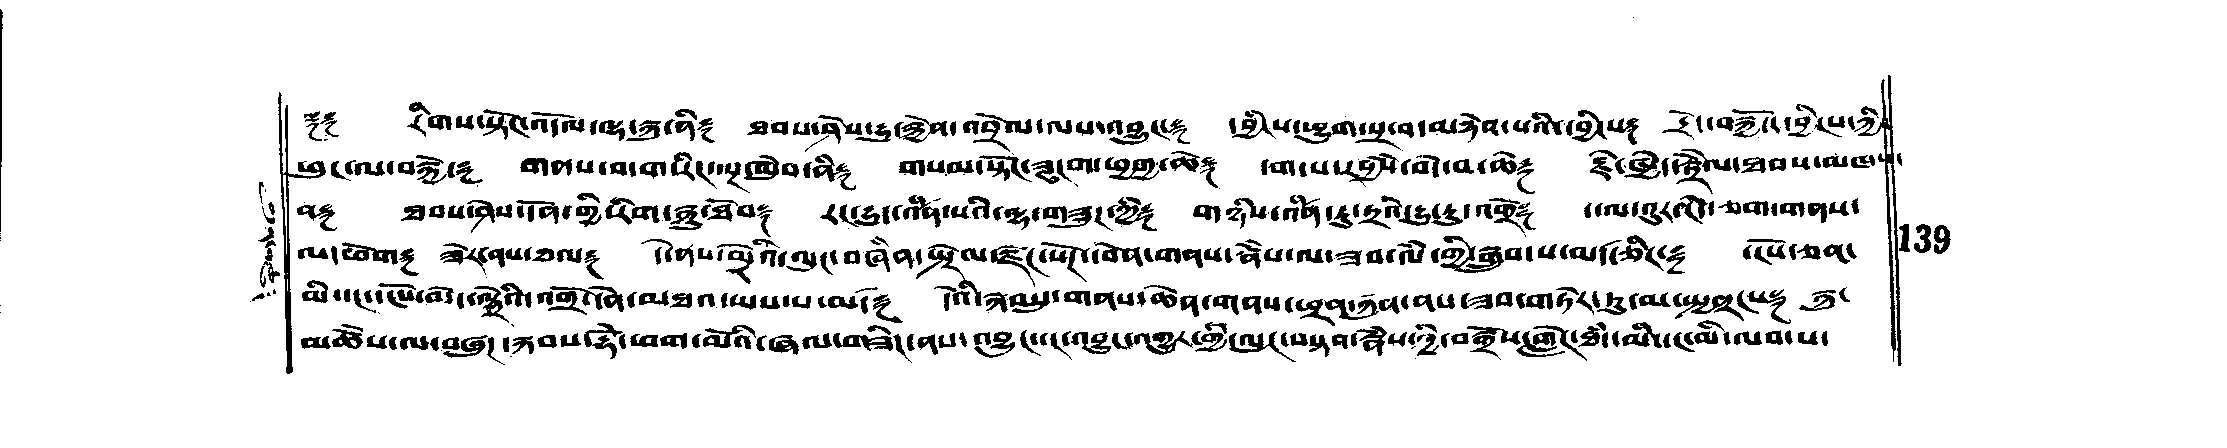།རིགས་སྟོང་འོད་གསལ་ལྷ་སྐུ་ནི། །ཐབས་ཤེས་རྒྱུ་རྐྱེན་འབྲེལ་ལས་འབྱུང་། །དབྱིངས་ཕྱུག་སྲ་བ་གཉེན་པའི་དབྱིངས། །དྲོད་བསྐྱོད་དབྱིངས་ཀྱི་
ཕུགས་ལ་བསྐྱོད། །གནས་བདག་རིགས་ལྔ་ཡབ་ཡུམ་ནི། །གསལ་སྟོང་ཟུང་འཇུག་ཕྱག་རྒྱ་ཆེ། །དག་པ་རབ་འབྱམས་བདེ་བ་ཆེ། །རྗེ་ཁྱེད་རྟེན་འབྲེལ་ཐབས་མཁས་
ན། །ཐབས་ཤེས་དོན་གྱི་རིག་སྐུ་ཐོབ། །རང་རྒྱུད་འཛིན་པའི་ལྷ་གཟུགས་ཀྱི། །གཉིས་འཛིན་རུ་ཏྲའི་རྒྱུ་རུ་འགྲོ། །ད་ལ་འུར་ངེད་ཅག་གནས་
ལ་ཕོག ཟེར་ནས་ཐལ། དེ་ནས་མཁའ་འགྲོའི་ལུང་བཞིན་སྤྲེལ་རྫོང་སོགས་དབེན་གནས་རྣམས་ལ་ཟབ་ལམ་གྱི་སྒྲུབ་པ་མཛད་ཅིང་། དངོས་ཅན་
མི་དང་དངོས་མེད་ལྷ་འདྲེའི་འགྲོ་དོན་མཐའ་ཡས་པ་མཛད། དེའི་སྐབས་སུ་གནས་ཆེན་གནས་ཕྲན་ཀུན་ནས་ཟབ་གཏེར་དུ་མ་སྤྱན་དྲངས་། སྐུ་
མཚམས་ལ་བཞུགས་སྐབས་རྡོ་རྗེ་ཕག་མོའི་ཞལ་གཟིགས་ནས་འབྱུང་དང་འབྱུང་འགྱུར་གྱི་ལུང་བསྟན་རྣམས་ཀྱི་བསྒྲོས་གླེང་ཐམས་ཅད་མི་དང་མི་ལབ་པ་